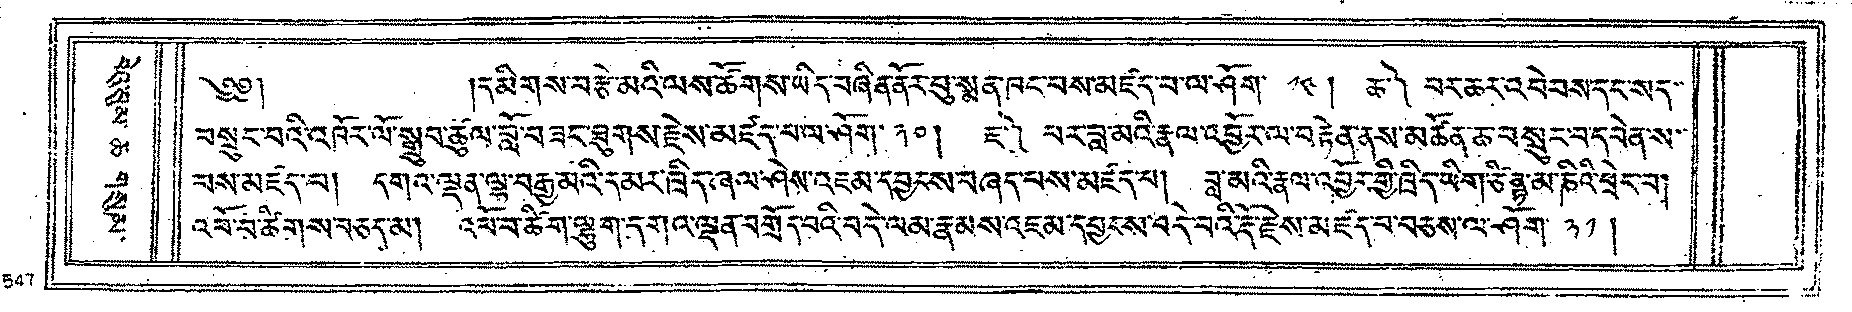༄༅། །དམིགས་བརྩེ་མའི་ལས་ཚོགས་ཡིད་བཞིན་ནོར་བུ་སྨན་ཁང་བས་མཛད་པ་ལ་ཤོག ༡༤། ཆ྄་པར་ཆར་འབེབས་དང་སད་
བསྲུང་བའི་འཁོར་ལོ་སྒྲུབ་ཚུལ་བློ་བཟང་ཐུགས་རྗེས་མཛད་པ་ལ་ཤོག ༢༠། ཇ྄་པར་བླ་མའི་རྣལ་འབྱོར་ལ་བརྟེན་ནས་མཚོན་ཆ་བསྲུང་བ་དབེན་ས་
པས་མཛད་པ། དགའ་ལྡན་ལྷ་བརྒྱ་མའི་དམར་ཁྲིད་ཞལ་ཤེས་འཇམ་དབྱངས་བཞད་པས་མཛད་པ། བླ་མའི་རྣལ་འབྱོར་གྱི་ཁྲིད་ཡིག་ཙིནྟ་མ་ཎིའི་ཕྲེང་བ།
འཕོ་བ་ཚིགས་བཅད་མ། འཕོ་བ་ཚིག་ལྷུག་དགའ་ལྡན་བགྲོད་པའི་བདེ་ལམ་རྣམས་འཇམ་དབྱངས་བདེ་བའི་རྡོ་རྗེས་མཛད་པ་བཅས་ལ་ཤོག ༢༡།